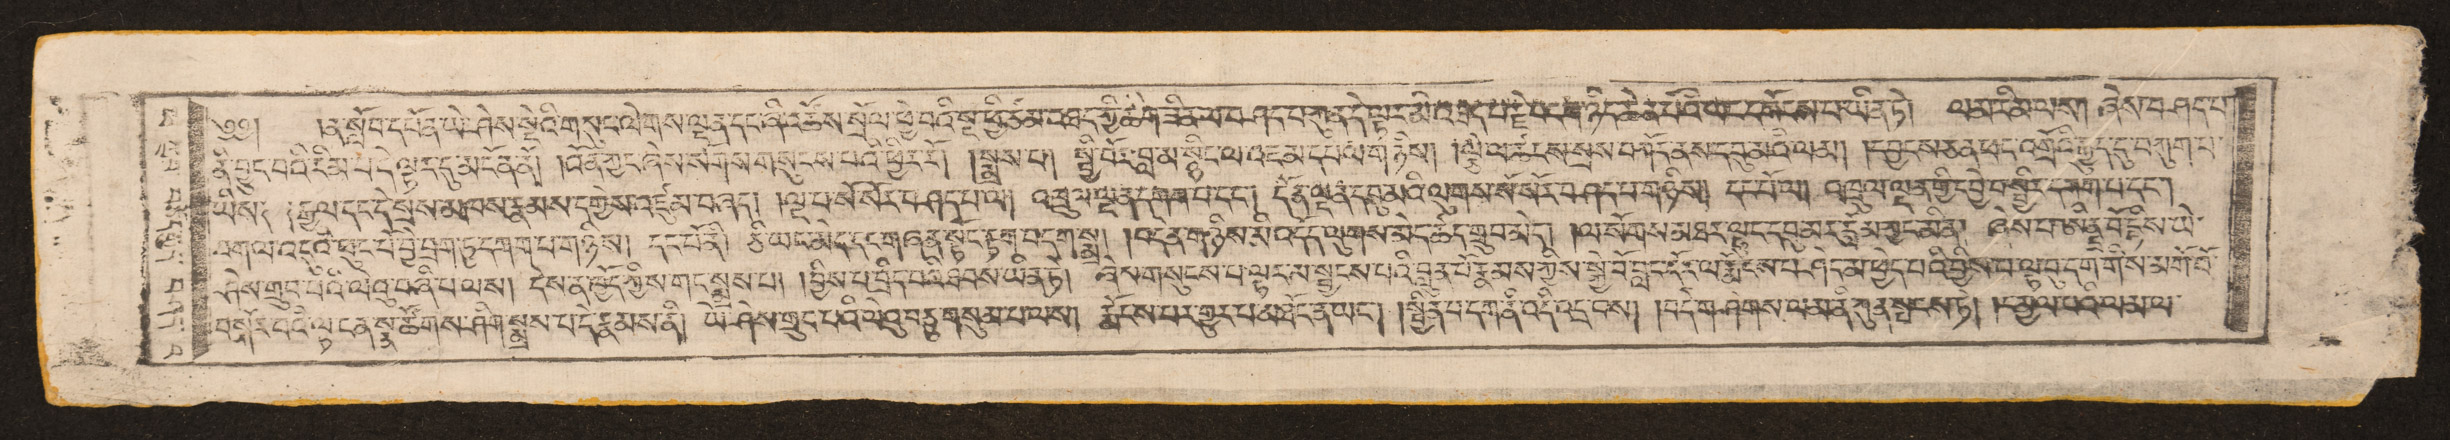༄༅། །ན་སློབ་དཔོན་ཡེ་ཤེས་སྡེའི་གསུང་ལེགས་ལྡན་དང་ཞི་འཚོས་སྲོལ་ཕྱེ་བའི་སྔ་ཕྱི་ཙམ་འཐད་ཀྱི་ཚིག་ཟིན་ལ་བཤད་པ་ཀུན་དེ་ལྟར་མེ་འཐད་པ་རྗེ་བདག་ཉིད་ཆེན་པོའི་ཡང་དགོངས་པ་ཡིན་ཏེ། ལམ་རིམ་ལས། ཞེས་བཤད་པ་
ནི་བྱུང་བའི་རིམ་པ་དེ་ལྟར་དུ་མངོན་ནོ༑ ༑འོན་ཀྱང་ཞེས་སོགས་གསུངས་པའི་ཕྱིར་རོ། །སྨྲས་པ། སྤྱི་བོར་བླ་མ་སྙིང་ལ་འཇམ་དཔལ་གཉིས། །ལྕེ་ལ་ཚངས་སྲས་བཀོད་ནས་དབུ་མའི་ལམ། །དབྱངས་ཅན་ཕང་འགྲོའི་རྒྱུད་དུ་བཀུག་པ་
ཡིས༑ ༑རྒྱལ་དང་དེ་སྲས་མཁས་རྣམས་དགྱེས་འཛུམ་བཞད། །ལྔ་པ་སོ་སོར་བཤད་པ་ལ། འཁྲུལ་ལྡན་དགག་པ་དང་། དོན་ལྡན་དབུ་མའི་ལུགས་སོ་སོར་བཤད་པ་གཉིས། དང་པོ་ལ། འཁྲུལ་ལྡན་གྱི་དབྱེ་བ་སྦྱིར་དགག་པ་དང་།
འགལ་འདུའི་ཕུང་པོ་བྱེ་བྲག་ཏུ་དགག་པ་གཉིས། དང་པོ་ནི། ཅི་ཡང་མེད་དང་གཞན་སྟོང་རྟག་བདག་སྨྲ། །བདེན་གཉིས་མི་འདོད་ལུགས་མེད་ཚད་གྲུབ་མེད། །ལ་སོགས་མཐར་ལྷུང་དབུ་མར་རློམ་ཀྱང་མིན། ཞེས་པ་ཨིནྡྲ་བོདྷིས་ཡེ་
ཤེས་གྲུབ་པའི་ལེའུ་བཞི་པ་ལས། དེས་ན་ཁྱོད་ཀྱིས་གང་སྨྲས་པ། །བྱིས་པ་བྲིད་པའི་ཐབས་ཡིན་ཏེ། ཞེས་གསུངས་པ་ལྟར་མ་སྦྱངས་པའི་བླུན་པོ་རྣམས་ཀྱིས་སྐྱེ་བོ་བླང་དོར་ལ་རྨོངས་པ་ཤེད་མ་ཕྱེད་པའི་བྱིས་པ་ལྟ་བུ་དག་གིས་མགོ་བོ་
བསྐོར་བའི་ལྷ་ངན་སྣ་ཚོགས་ཤིག་སྨྲས་པ་དེ་རྣམས་ནི། ཡེ་ཤེས་གྲུབ་པའི་ལེའུ་བཅུ་གསུམ་པ་ལས། རྨོངས་པར་གྱུར་པ་མཐོང་ན་ཡང་། །སྦྱིན་པ་དག་ནི་འདི་འདྲ་བས། །བདེ་གཤེགས་ལམ་ནི་ཀུན་སྤངས་ཏེ། །དམྱལ་པའི་ལམ་ལ་